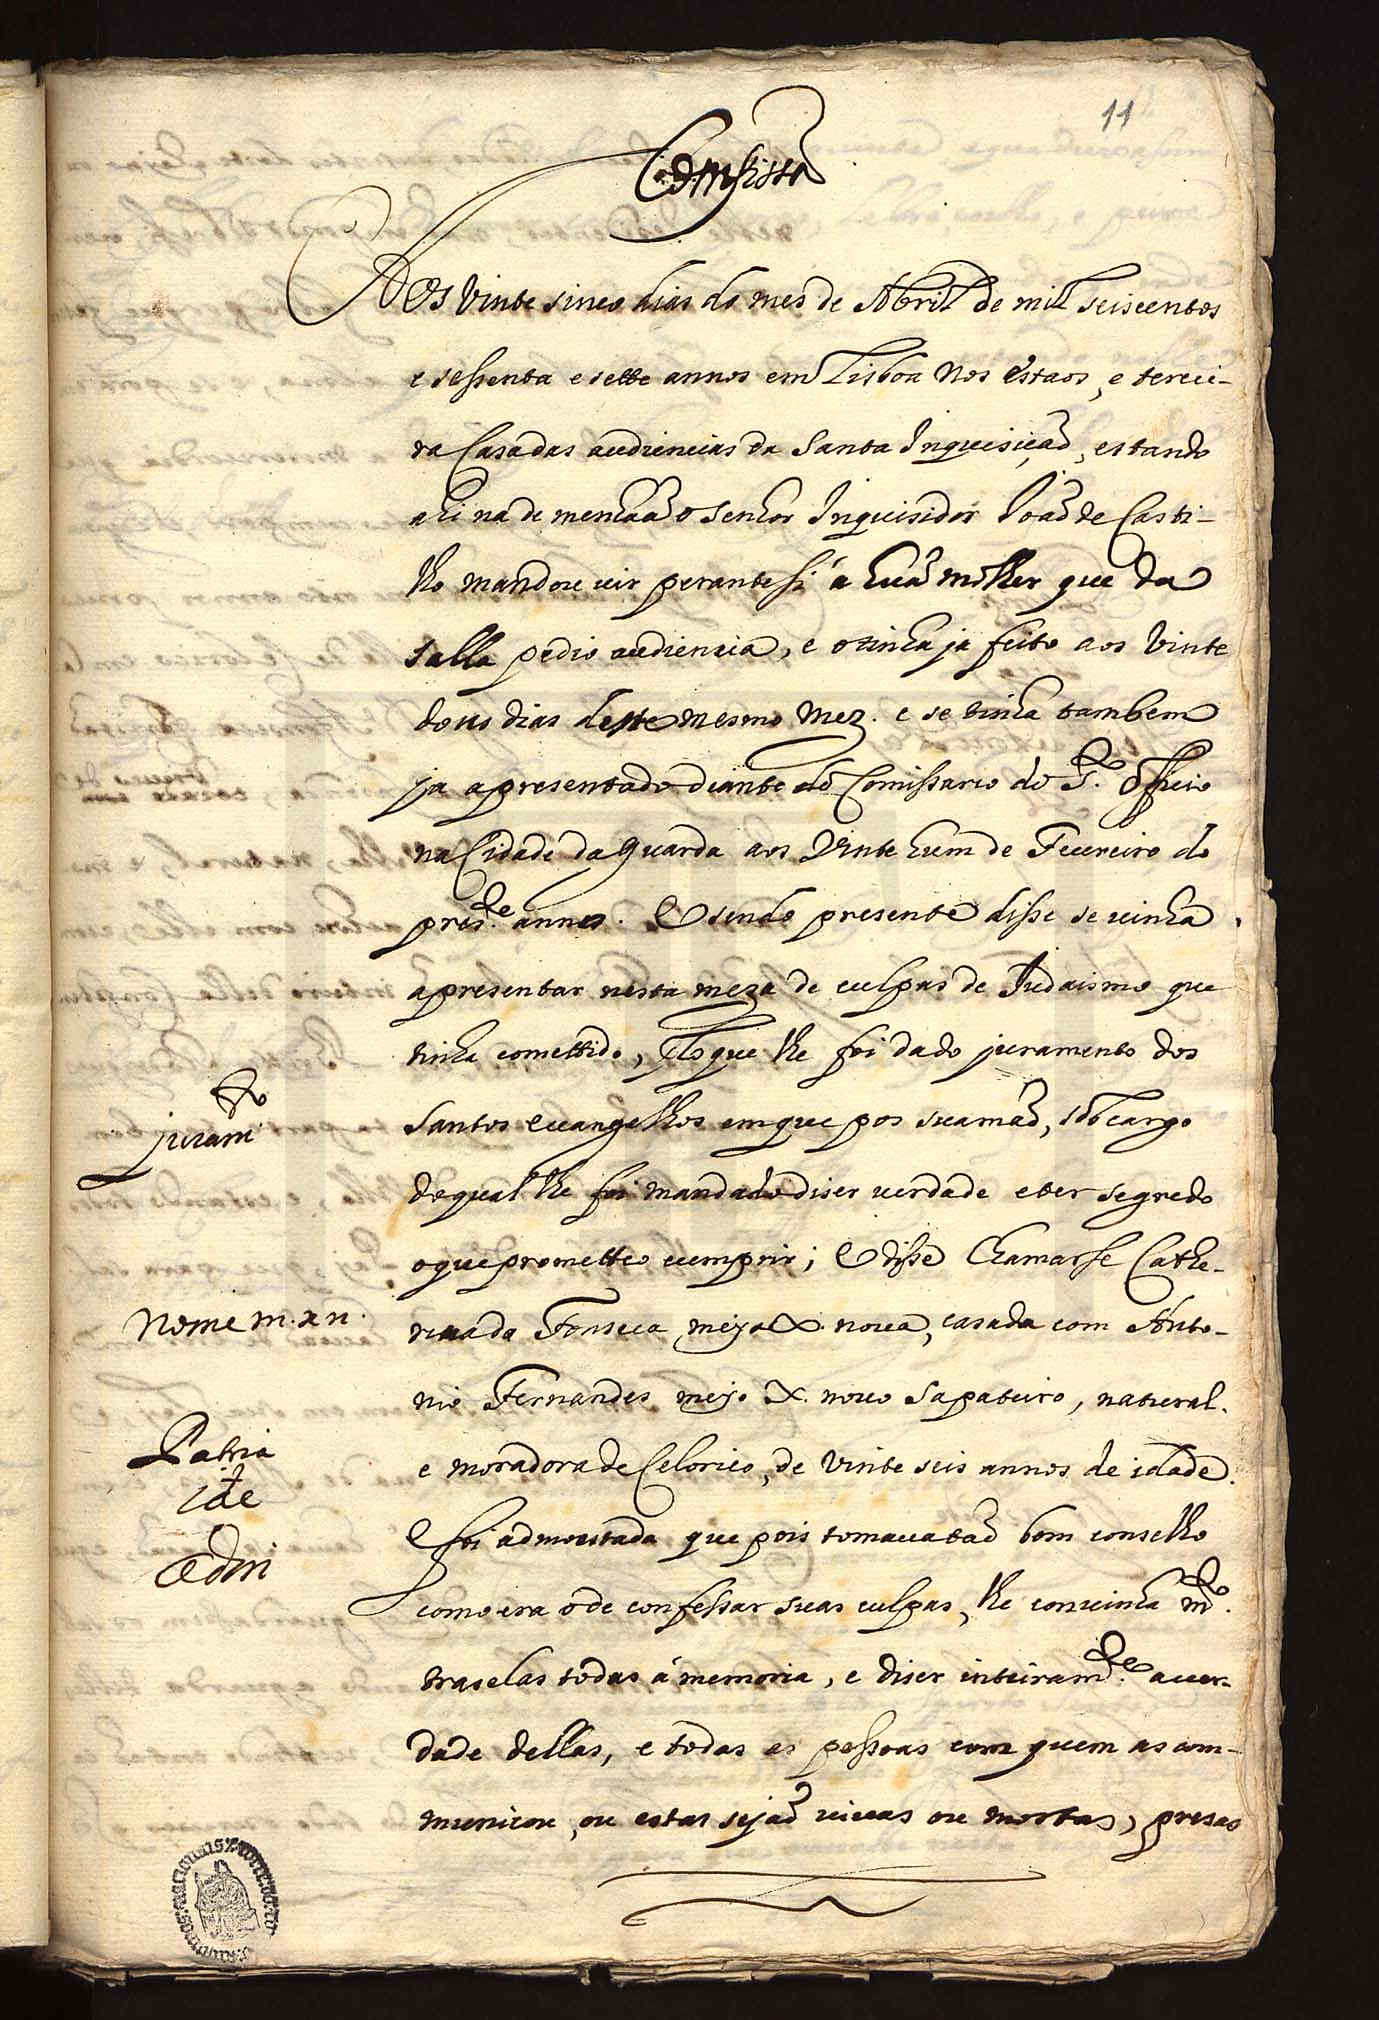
Comfissaõ
Aos vinte sinco dias do mes de Abril de miL seiscentos
e sessenta e sette annos em Lisboa nos Estaos, e tercei
ra Casa das audiencias da santa Inquisiçaõ, estando
ahi na de menhaã o senhor Inquisidor Joaõ de Casti
lho mandou uir perante si a huā molher que da
salla pedio audiencia, e o tinha ja feito aos vinte
dous dias deste mesmo mez. e se tinha tambem
ja apresentado diante do Comissario do s.to officio
na Cidade da Guarda aos vinte hum de Feuereiro do
pres.te anno. E sendo presente disse se uinha
apresentar nesta meza de culpas de Judaismo que
tinha comettido, p̄lo que lhe foi dado juramento dos
Santos euangelhos em que pos sua maõ, sob cargo
do qual lhe foi mandado diser uerdade e ter segredo
o que prometteo cumprir; E disse Chamarse Cathe
rina da Fonseca meya X. noua, casada com Anto
nio Fernandes meyo X. nouo sapateiro, natural,
e moradora de Celorico, de vinte seis annos de idade.
e foi admoestada que pois tomaua taõ bom conselho
como era o de confessar suas culpas, lhe conuinha mto.
traselas todas á memoria, e diser inteiram.te a uer
dade dellas, e todas as pessoas com quem as com
municou, ou estas sejaõ uiuas ou mortas, presas
